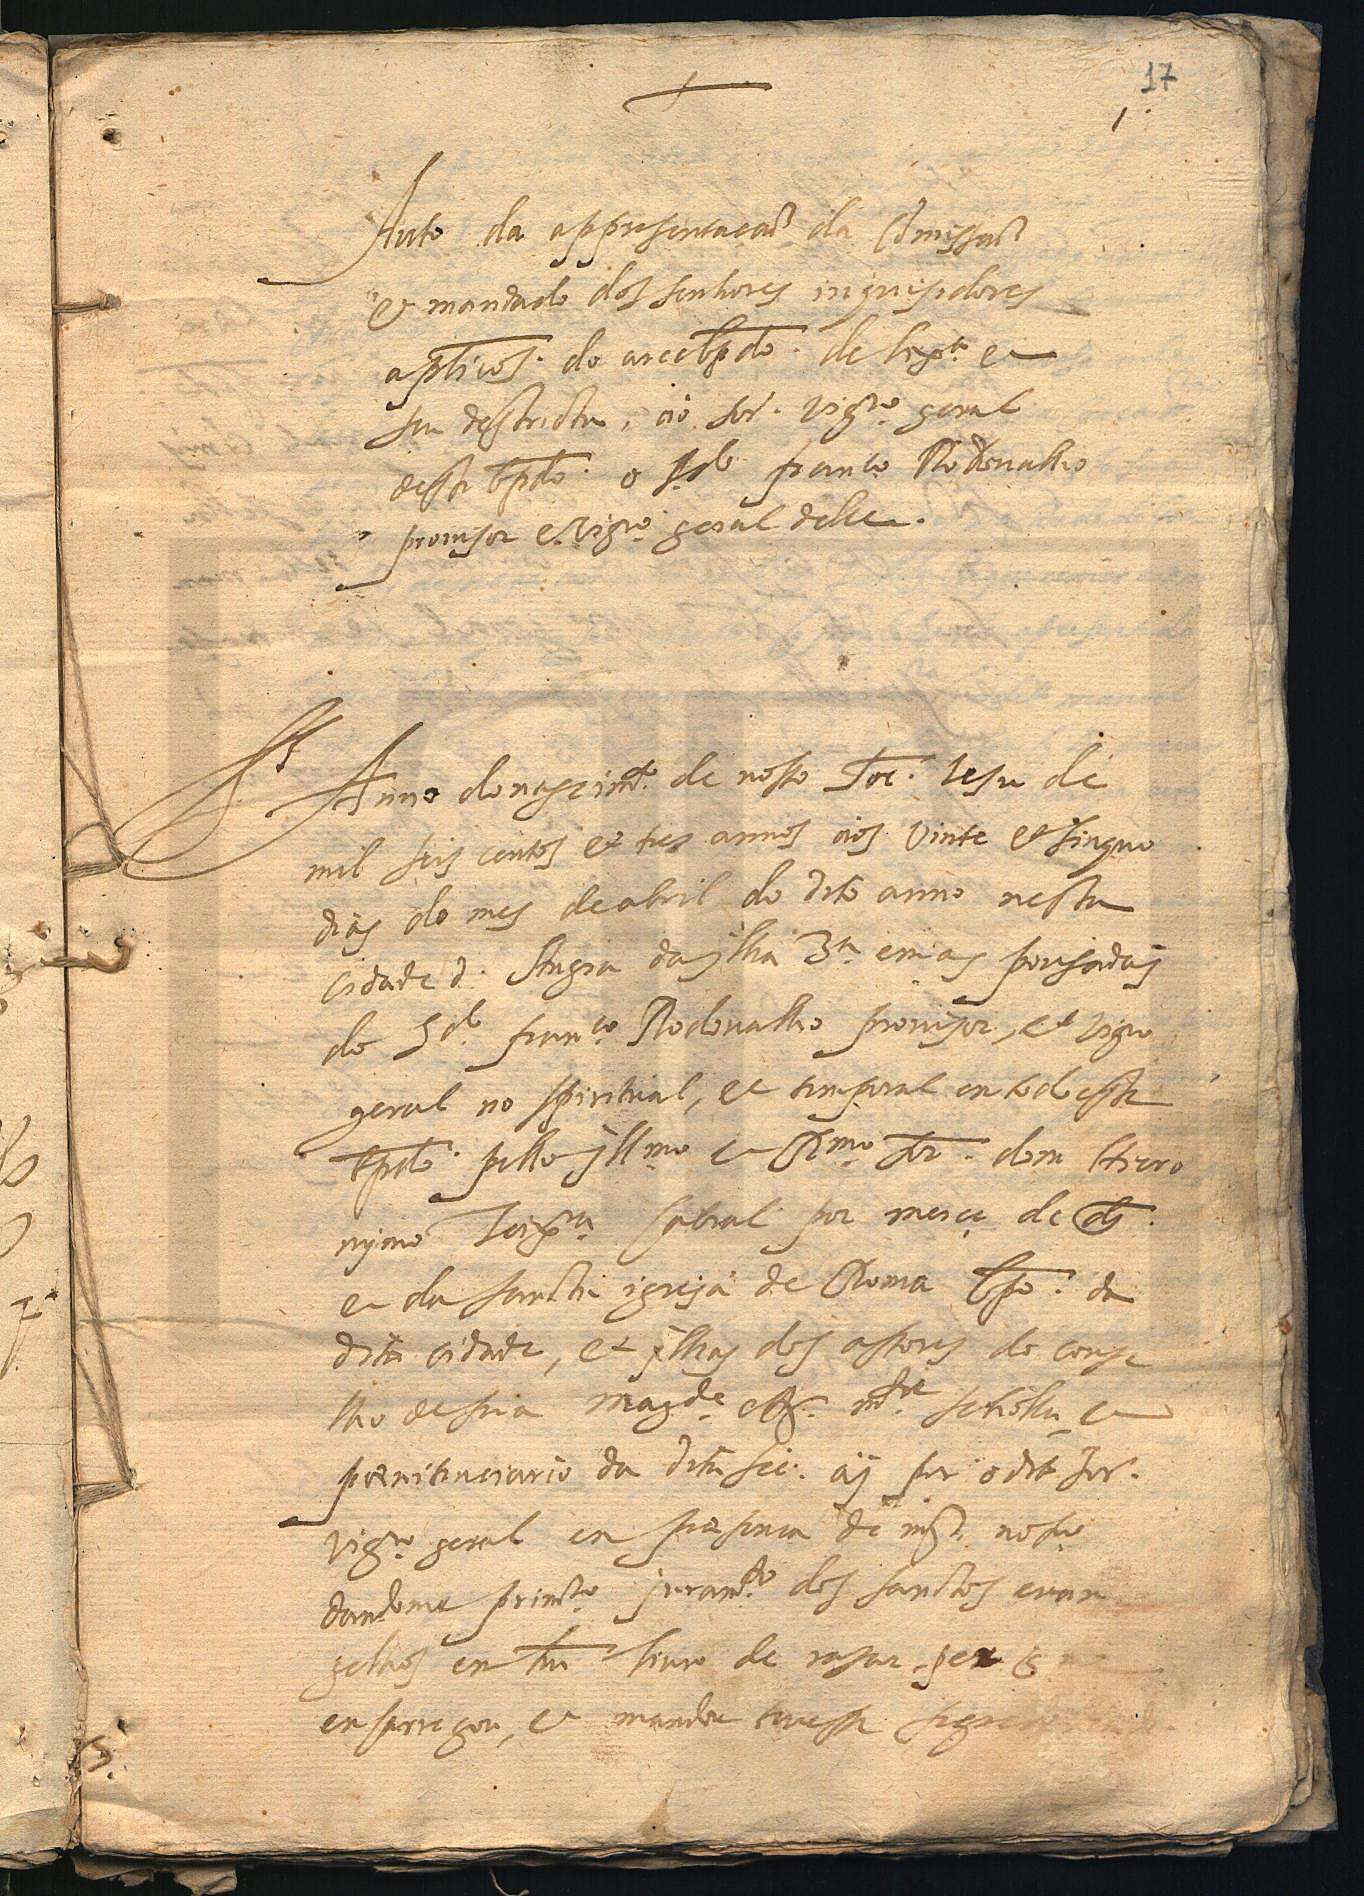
Auto da appresentaçaõ da Cōmissaõ
e mandado dos senhores inquisidores
ap̄licos. do arceb̄pdo de lix.a e
seu destricto, ao sor̄. vigr.o geral
deste b̄pdo. o ldo franc.o Rodoualho
prouisor e vigr.o geral delle.
Anno do nascim.to de nosso S̄or̄. Iesu de
mil seiscentos & tres annos aos vinte & sinquo
dias do mes de abril do dito anno nesta
cidade d. Angra da jlha 3a em as pousadas
do Ldo. fran.co Rodoualho prouisor, & vigro
geral no spiritual, & temporal en todo este
b̄pdo. pello jllmo e Rm.o s̄or dom Hiero
nymo Teixra Cabral por merce de d̄s
e da sancta igreja de Roma b̄po. da
dita cidade, & jlhas dos assores do conse
lho de sua magd.e etc. m.tre scholla E
pœnitenciario da dita seé. aj por o dito sor.
vig.ro geral em presença de mj̄ notro
dandome prim.ro juram.to dos sanctos evan
gelhos em hū liuro de rasas per q̄ me
enCarregou, e mandou teuesse segredo
